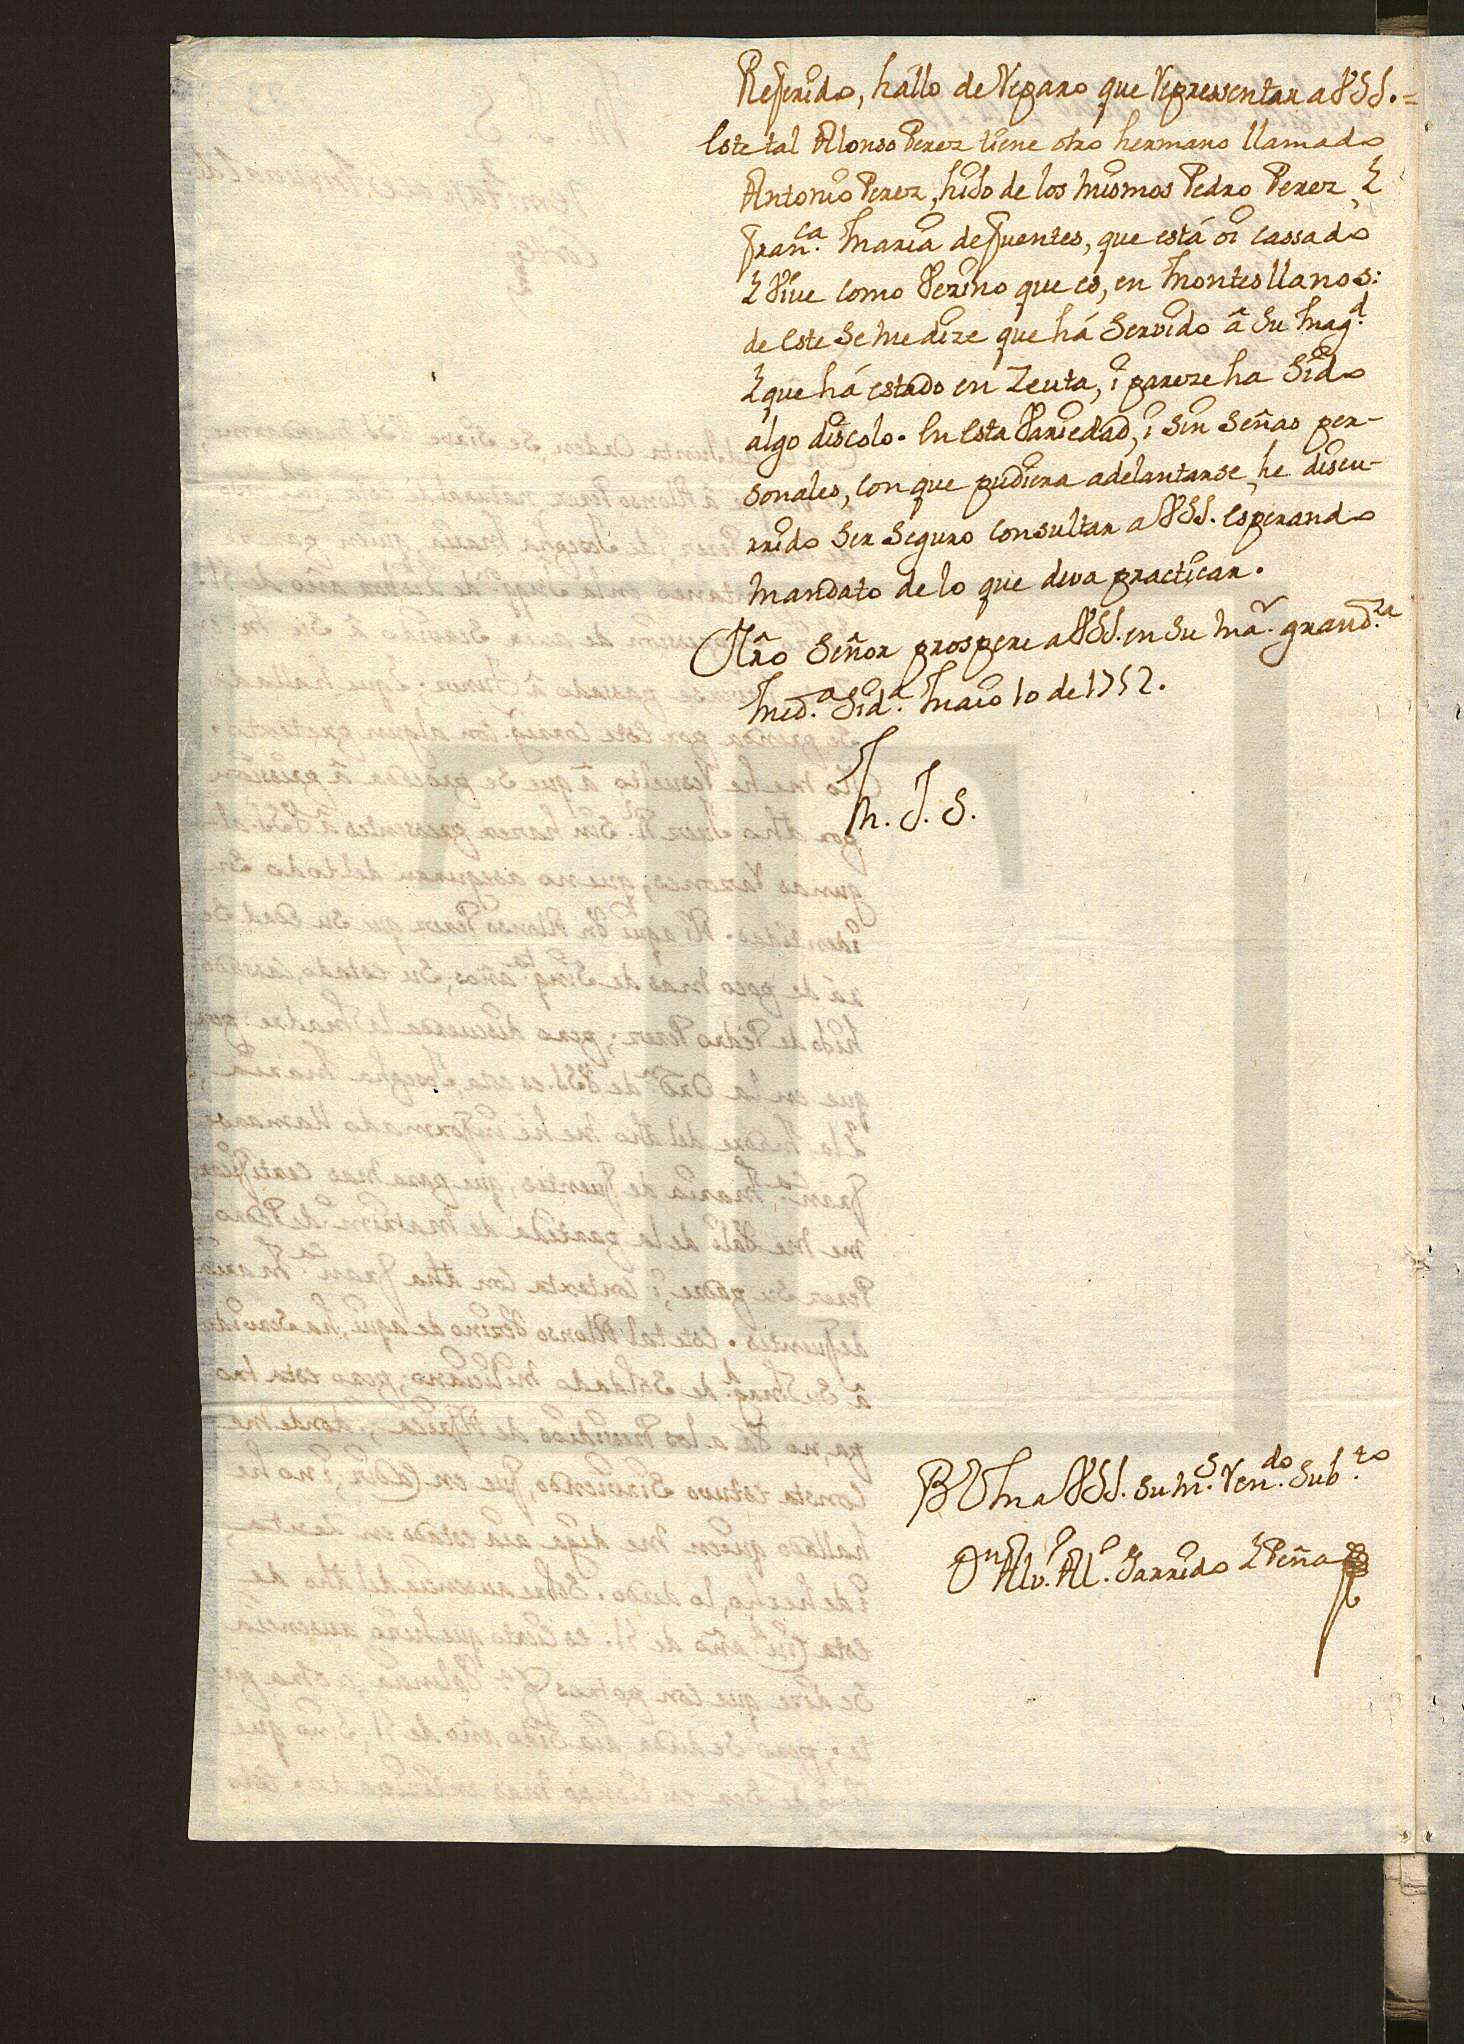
Referido, hállo de Reparo que Repressentan a VSI.
Este tal Alonso Perez tiene otro hermano llamado
Antonio Perez, hijo de los mismos Pedro Perez, Y
fran.ca Maria de fuentes, que está oi cassado
Y Viue como Vezino que es, en Montesllanos:
de Este Se me dize que há Servido â su Mag.d
Y que há estado en Zeuta, i pareze ha Sido
algo discolo. En esta Variedad, i sin señas per
sonales, con que pudiera adelantarse, he discu
rrido Ser Seguro consultar a VSI. Esperando
mandato de lo que deva practicar.
Nr̄o Señor prospere a VSI. en Su ma.r grand.za
Med.a Sid.a Maio 10 de 1752.
M. I. S.
B l Ma V SI. Su m.s Reu.do Sub.to
Dn Alv.o Al.o Garrido Y Peña
